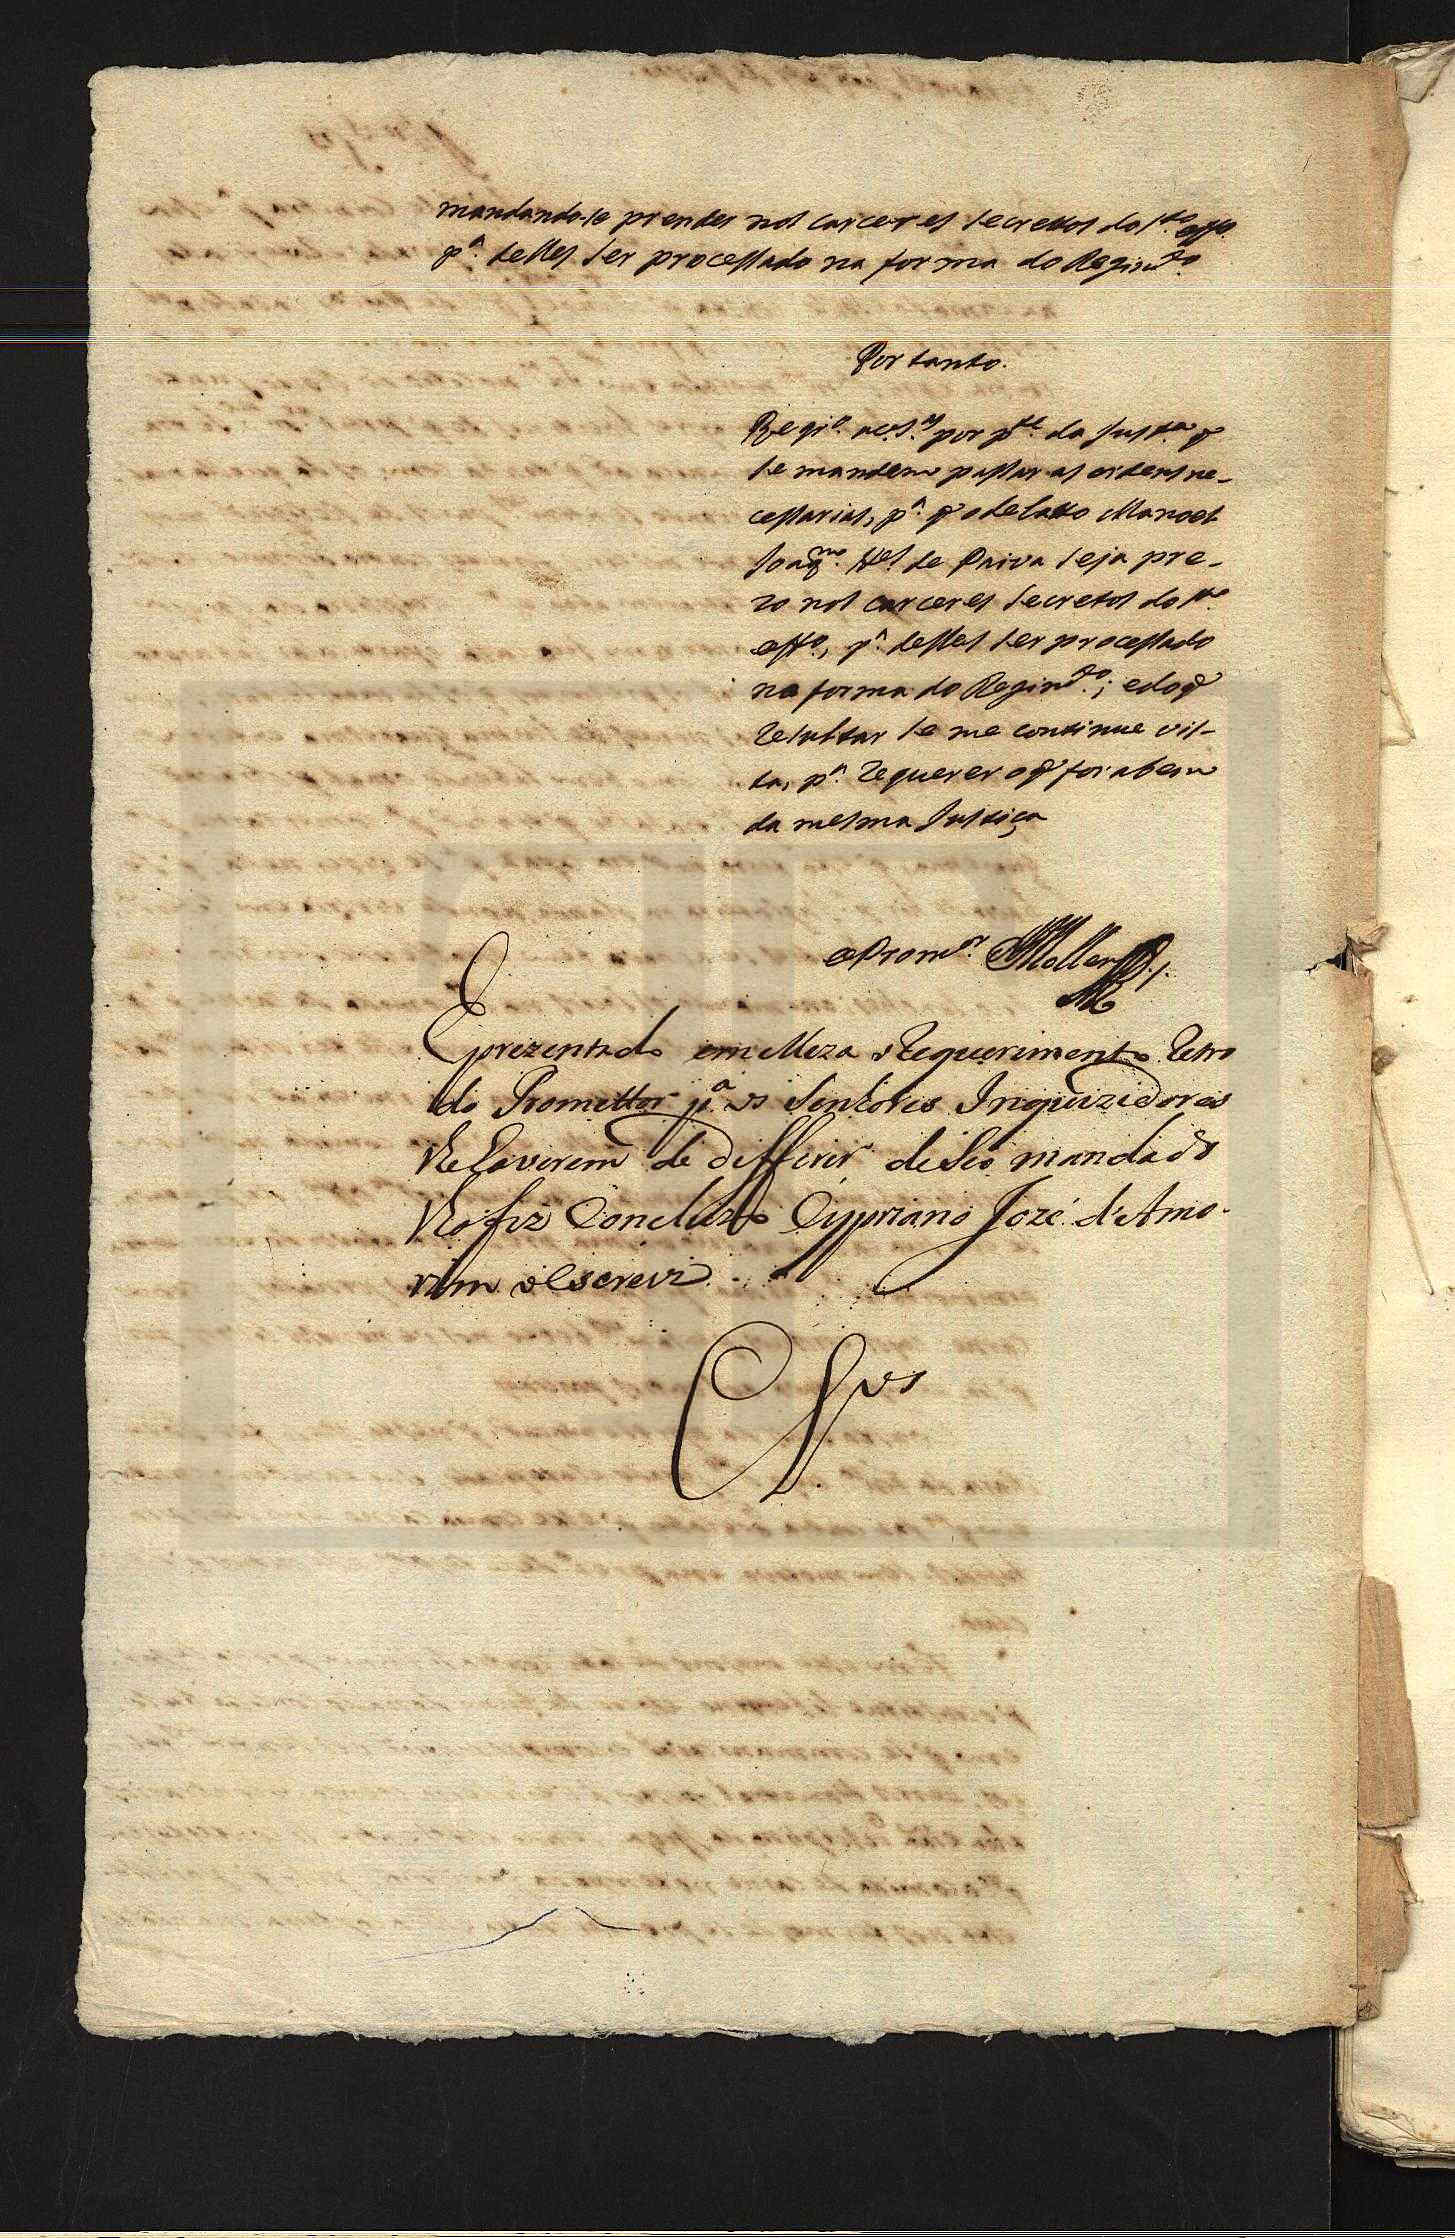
mandando-se prender nos carceres secrettos do s.to off.o
p.a delles ser processado na forma do Regim.to
Pertanto.
Reqr.o a v.s.as por p.te da Iust.a q̄
se mandem passar as ordens ne
cessarias, p.a q̄ o delatto ManoeL
Ioaq.m H.es de Paiva seja pre
zo nos carceres secretos do s.to
off.o, p.a delles ser processado
na forma do Regim.to; e do q̄
resultar se me continue vis
ta, p.a requerer o q̄ foi a bem
da mesma Iustiça
E prezentado em Meza o Requerimento Retro
do Promettor p.a os Senhores Inquizidores
lhe haverem de differir de Seo mandado
lho fiz Concluzo Cypriano Jozé d'Amo
rim o escrevi.
CL.os
